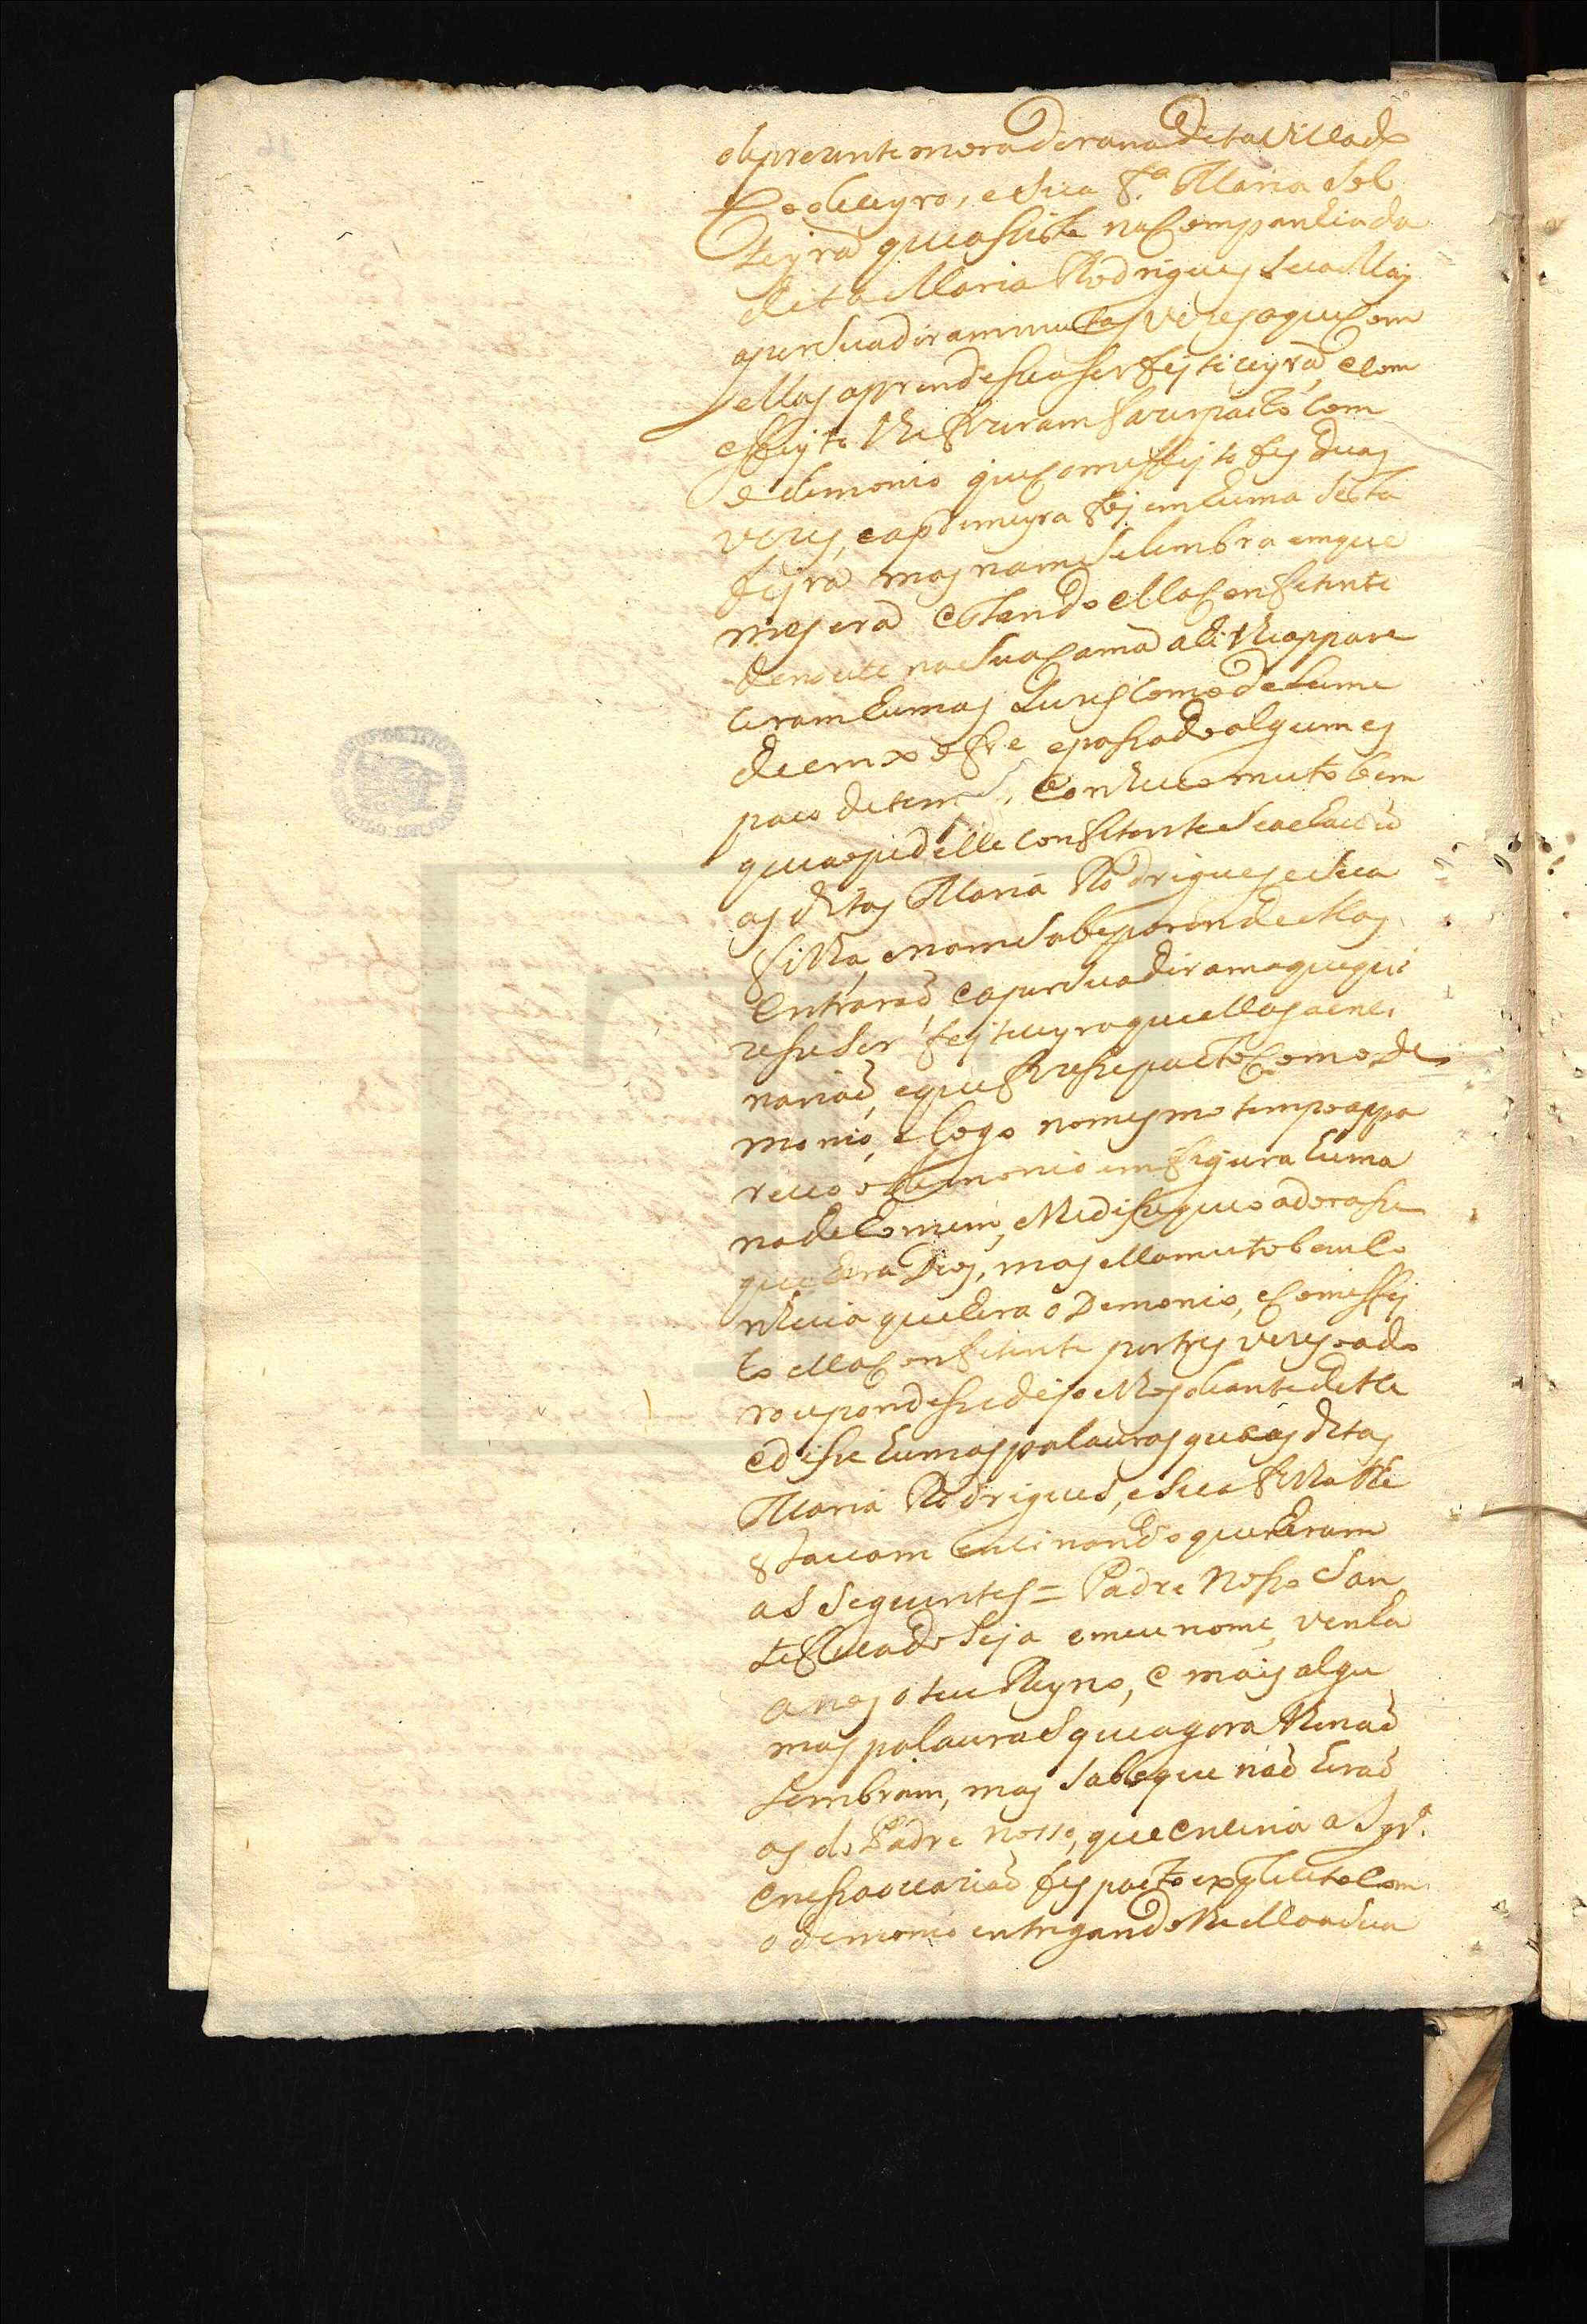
de prezente moradora na dita vila do
Codeceyro, e sua f.a Maria Sol
teyra que assiste na Companhia da
dita Maria Rodrigues sua Maj
a persuadiram mutas vezes a que Com
ellas aprendesse a ser fejticeyra, e com
effeyto lhe fizeram fazer pacto com
o demonio que Com effejto fes duas
vezes, e a primeyra foj em huma sesta
fejra mas nam se lembra em que
mes era estando ella Confitente
de noute na sua Cama ahi lhe appare
ceram humas Luzes como de Lume
de emxofre e passado algum es
paco de tem__ conheceo muto bem
que ao pe delle confitente se achau_õ
as ditas Maria Rodrigues e sua
filha, e nam sabe por onde ellas
entraraõ, e a persuadiram a que qui
zesse ser fejteceyra que ellas a enci
nariaõ, e que fizesse pacto Com o de
monio, e logo no mesmo tempo appa
receo o demonio em figura huma
na de homem, e lhe disse que o adorasse
que hera Deos, mas ella muto bem co
nhecia que hera o Demonio, e Com effej
to ella Confitente por tres vezes o ado
rou pondosse de joelhos diante delle
e disse humas palauras que as ditas
Maria Rodrigues, e sua filha lhe
estauam encinando que heram
as seguintes = Padre nosso San
teficado seja o meu nome, venha
a nos o teu Reyno, e mais algu
mas palauras que agora lhe naõ
Lembram, mas sabe que naõ heraõ
as do Padre nosso, que encina a Igra.
e nessa occaziaõ fes pacto explicito com
o demonio entregandolhe ella a sua
